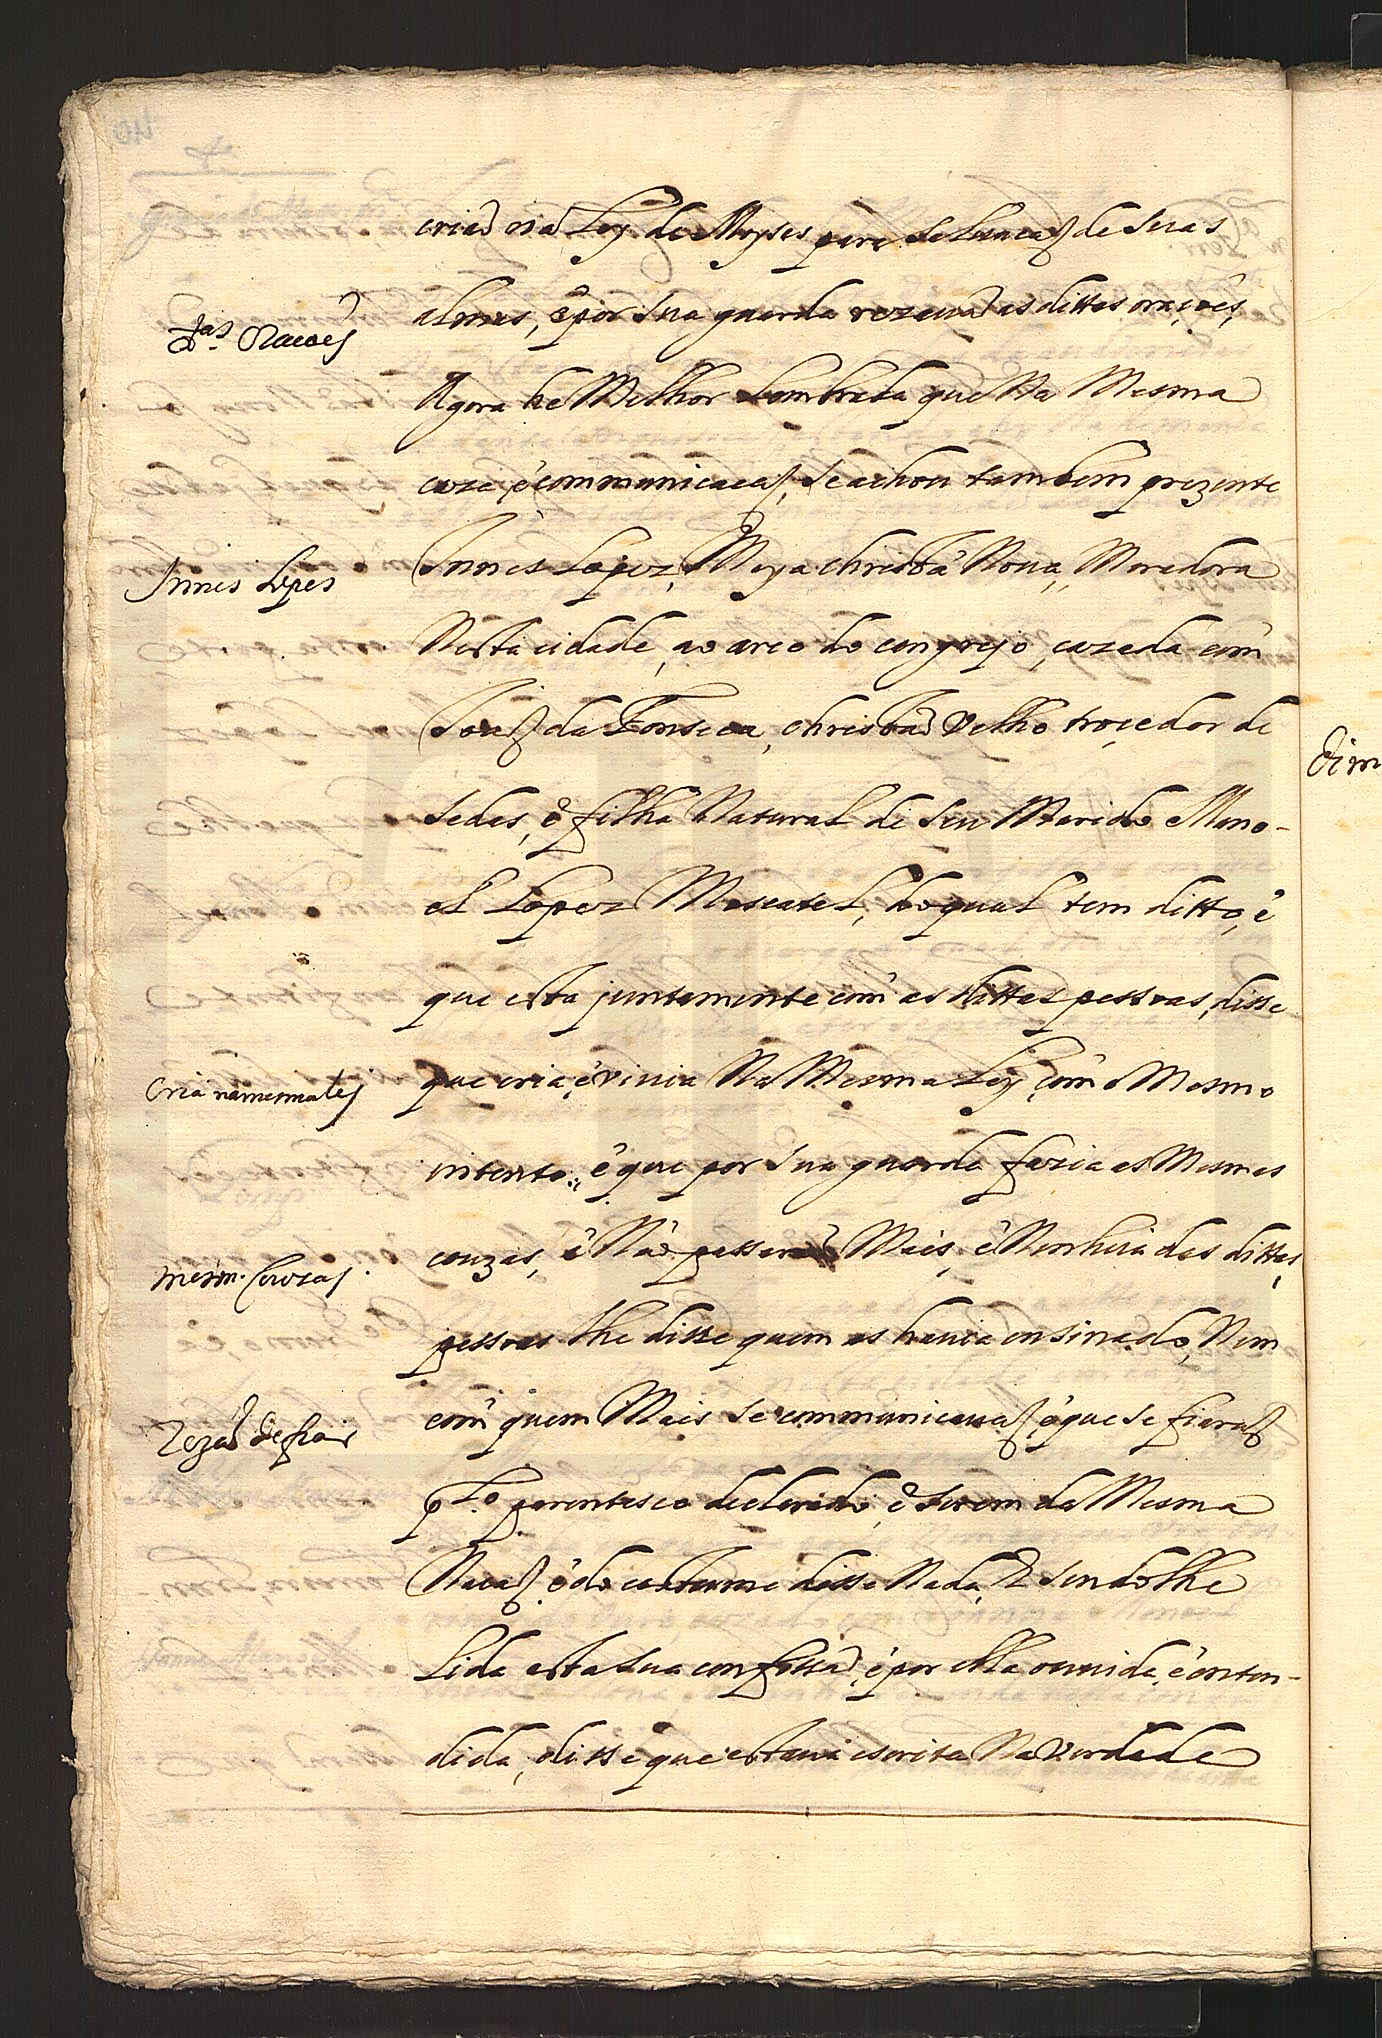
criaõ na Ley de Moyses para saluacaꝭ de suas
almas, e por sua guarda rezauā as dittas oraçoẽs,
dtas. Oraçoẽs
Agora he Melhor Lembrada que Na Mesma
caza, e communicacaꝭ, se achou tambem prezente
Innes Lopez, Meya christā Noua, Moradora
Jnnes Lopes
Nesta cidade, ao arco do congrejo, cazada com
Ioaꝭ da Fonte, christaõ Velho troçedor de
sedes, e filha NaturaL de seu Marido Mano
el Lopez MoscateL, do quaL tem ditto, e
que esta juntamente com as dittas pessoas, disse
que cria, e viuia Na Mesma Ley, com o Mesmo
Cria na mesma lej
intento, e que por sua guarda fazia as Mesmas
couzas, e Não passarā Mais, e Nenhuā das dittas
mesm. Couzas
pessoas lhe disse quem as hauia ensinado, Nem
com quem Mais se communicauaꝭ, e que se fiaraꝭ
Rezaõ de fiar
p̄Lo parentesco declarado, e serem da Mesma
Nacaꝭ e do costume disse Nada, E sendolhe
Lida esta sua confissā, e por ella ouuida, e enten
dida, disse que estaua escrita Na verdade
